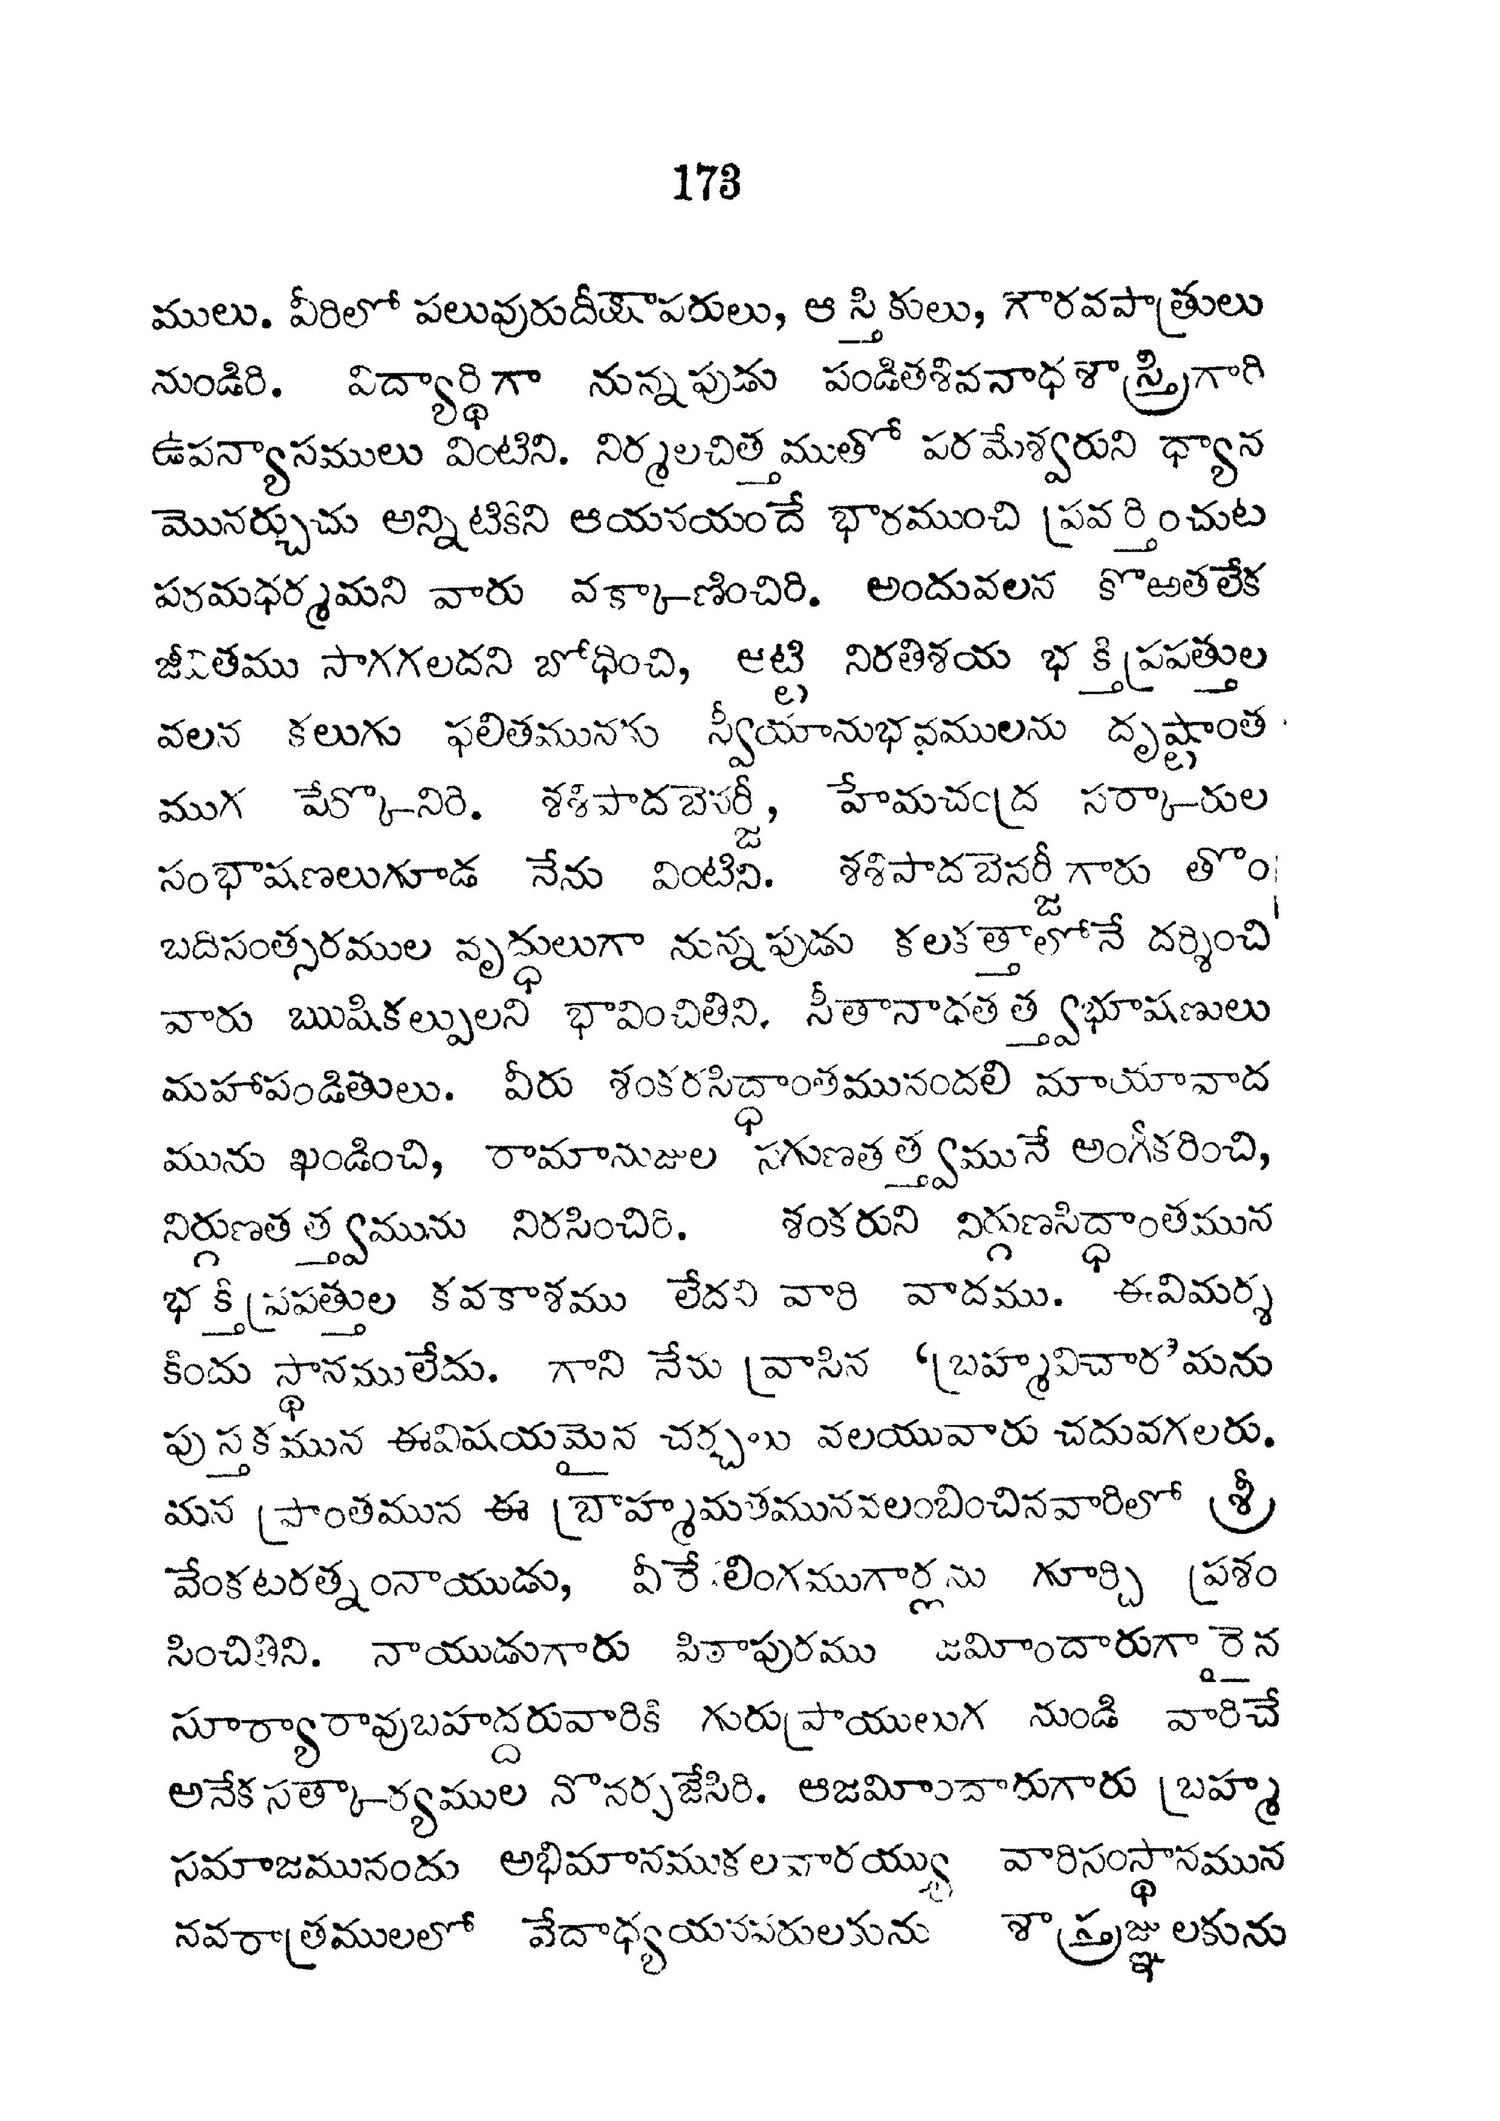ములు. వీరిలో పలువురుదీక్షాపరులు, ఆస్తికులు, గౌరవపాత్రులు నుండిరి. విద్యార్థిగా నున్నపుడు పండితశివనాధశాస్త్రిగారి ఉపన్యాసములు వింటిని. నిర్మలచిత్తముతో పరమేశ్వరుని ధ్యానమొనర్చుచు అన్నిటికిని ఆయనయందే భారముంచి ప్రవర్తించుట పరమధర్మమని వారు వక్కాణించిరి. అందువలన కొఱతలేక జీవితము సాగగలదని బోధించి, అట్టి నిరతిశయ భక్తిప్రపత్తుల వలన కలుగు ఫలితమునకు స్వీయానుభవములను దృష్టాంతముగ పేర్కొనిరి. శశిపాదబెనర్జీ, హేమచంద్ర సర్కారుల సంభాషణలుగూడ నేను వింటిని. శశిపాదబెనర్జీగారు తొంబదిసంవత్సరముల వృద్ధులుగా నున్నపుడు కలకత్తాలోనే దర్శించి వారు ఋషికల్పులని భావించితిని. సీతానాదతత్త్వభూషణులు మహాపండితులు. వీరు శంకరసిద్ధాంతమునందలి మాయావాదమును ఖండించి, రామానుజుల సగుణతత్త్వమునే అంగీకరించి, నిర్గుణతత్త్వమును నిరసించిరి. శంకరుని నిర్గుణసిద్ధాంతమున భక్తిప్రపత్తుల కవకాశము లేదని వారి వాదము. ఈవిమర్శ కిందు స్థానములేదు. గాని నేను వ్రాసిన 'బ్రహ్మవిచార'మను పుస్తకమున ఈవిషయమైన చర్చలు వలయువారు చదువగలరు. మన ప్రాంతమున ఈ బ్రాహ్మమతమునవలంబించినవారిలో శ్రీ వేంకటరత్నంనాయుడు, వీరేశలింగముగార్లను గూర్చి ప్రశంచింతిని. నాయుదుగారు పిఠాపురము జమీందారుగారైన సూర్యారావుబహద్దరువారికి గురుప్రాయులుగ నుండి వారిచే అనేకసత్కార్యముల నొనర్పజేసిరి. ఆజమీందారుగారు బ్రహ్మసమాజమునందు అభిమానముకలవారయ్యు వారిసంస్థానమున నవరాత్రములలో వేదాధ్యయనపరులకును శాస్త్రజ్ఞులకును